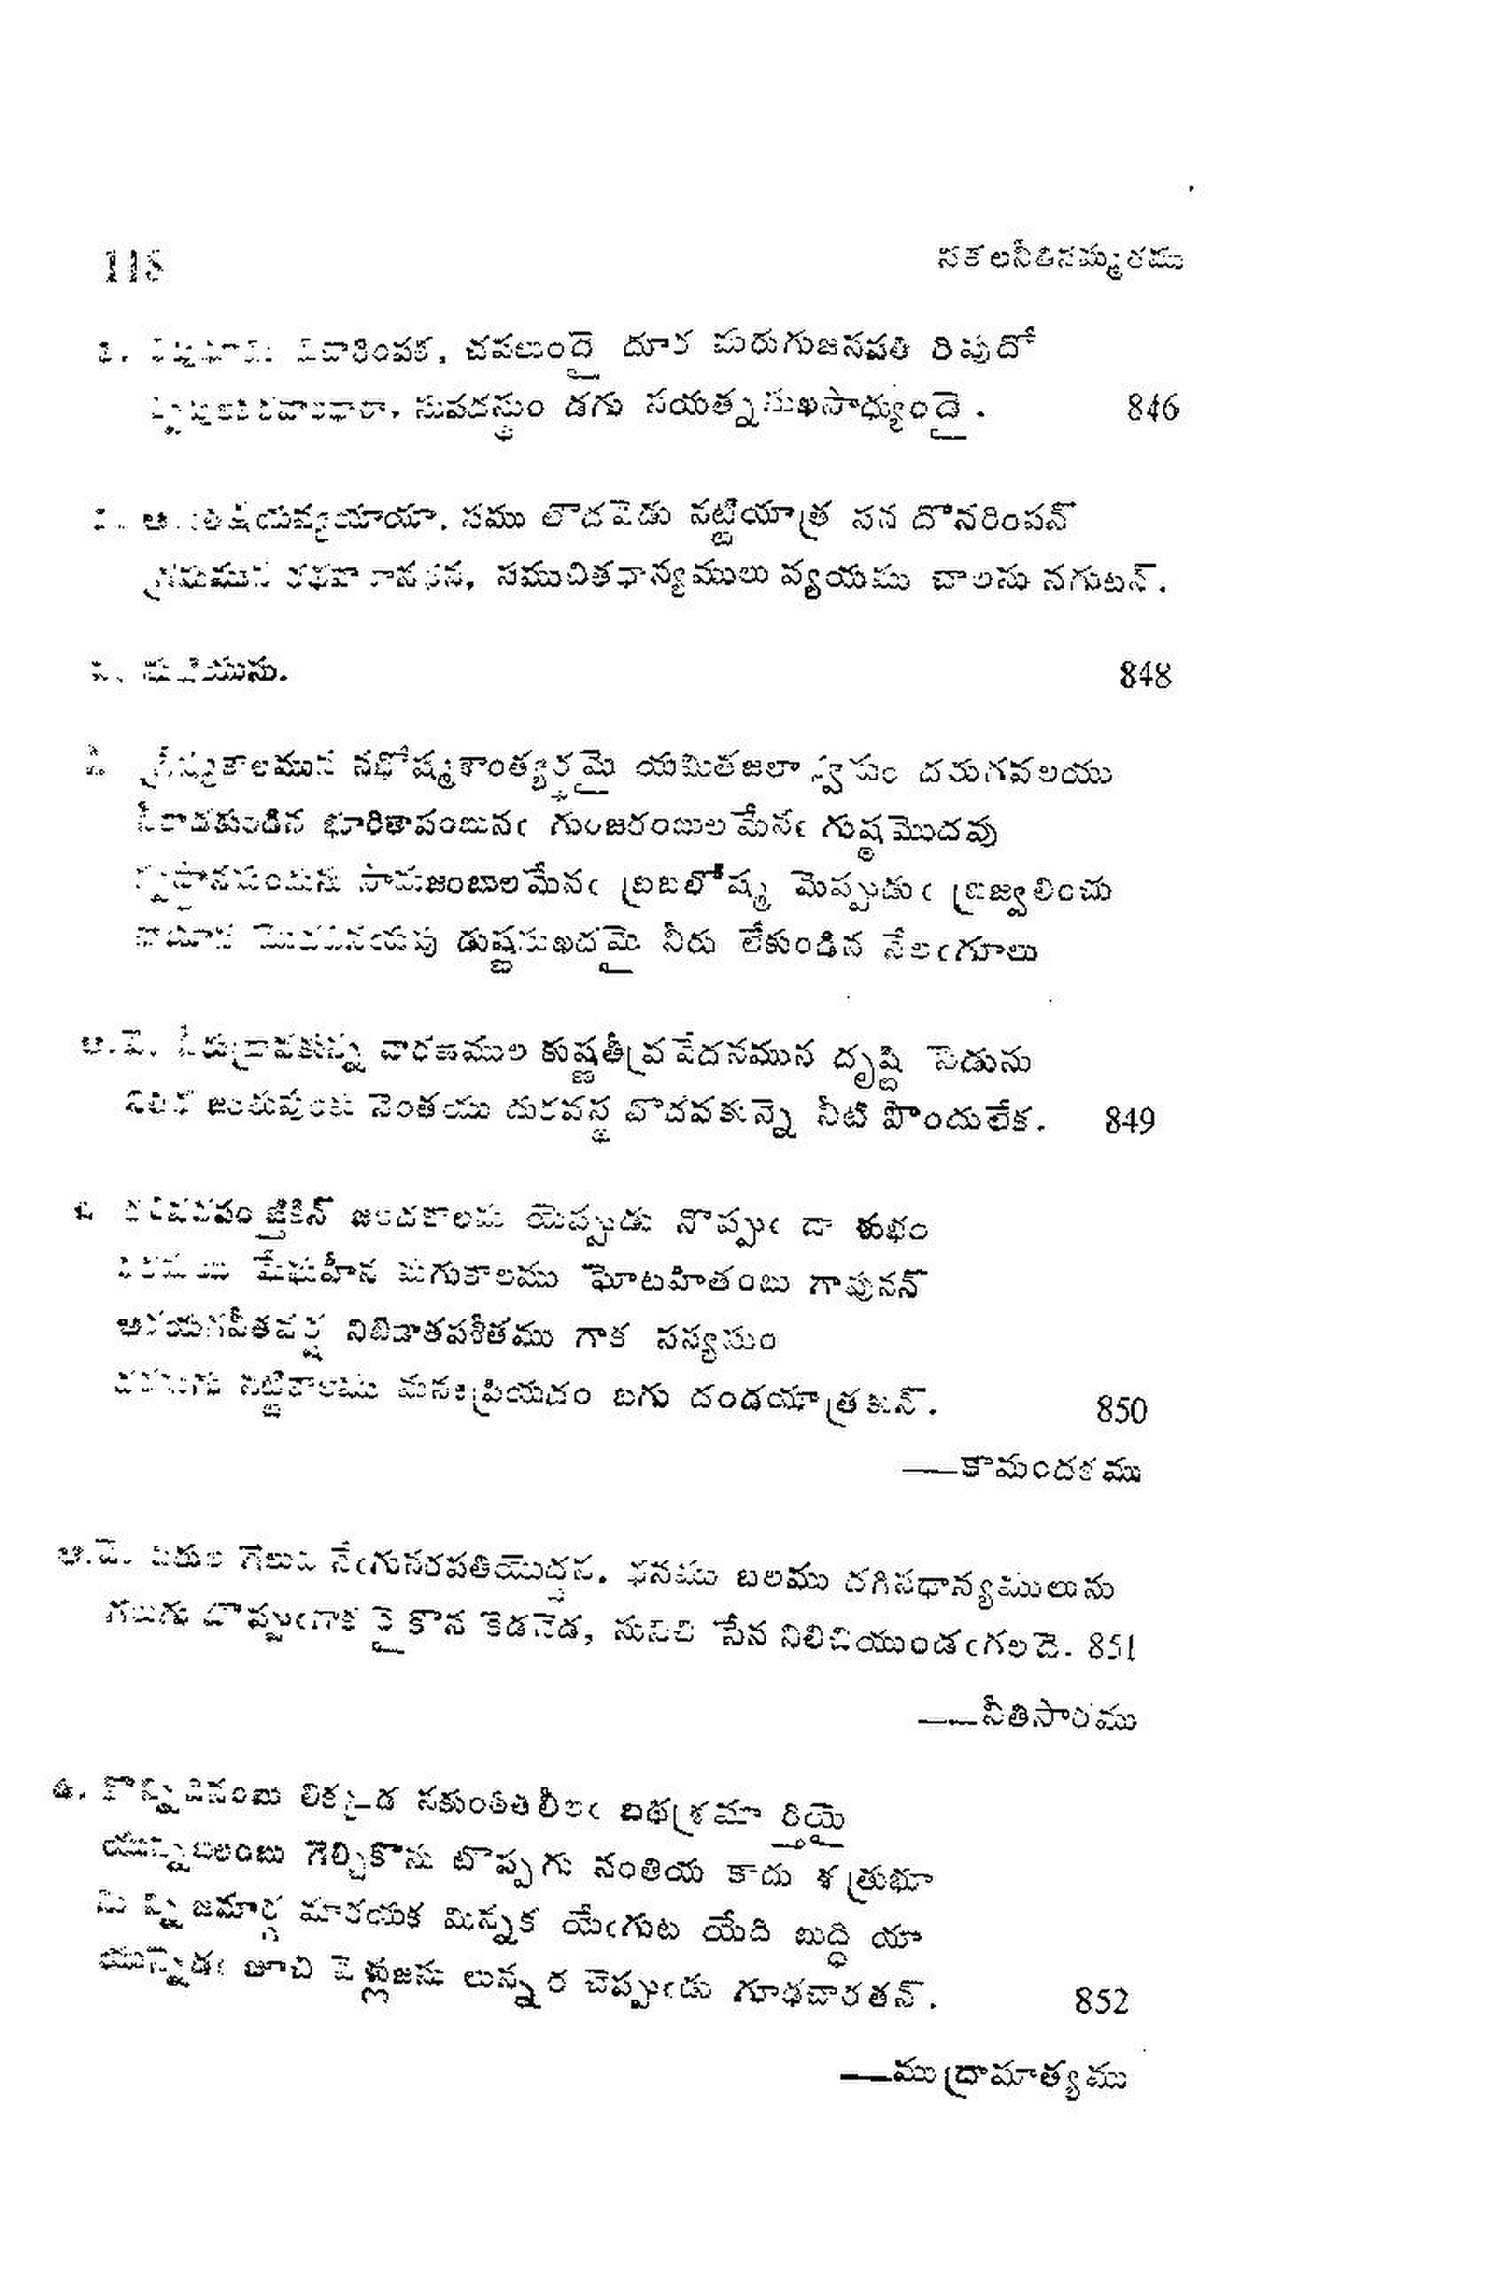క. రిపుభూమి విచారింపక
చపలుండై దూర మరుగుజనపతి రిపుదో
ర్విపులకరవాలధారా
సుపదస్థుం డగు నయత్నసుఖసాధ్యుండై. 846

క. అమితక్షయవ్యయాయా
సము లొదవెడు నట్టియాత్ర సన దొనరింపన్
గ్రమమున రథవాహనధన
సముచితధాన్యములు వ్యయము చాలను నగుటన్. 847

వ. మఱియును. 848

సీ. గ్రీష్మకాలమున నభోష్మశాంత్యర్థమై
యమితజలాధ్వనుం డరుగవలయు
నీరాడకుండిన భూరితాపంబునఁ
గుంజరంబులమేనఁ గుష్ఠమొదవు
స్వస్థానమందును సామజంబులమేనఁ
బ్రబలోష్మ మెప్పుడుఁ బ్రజ్వలించు
నాయాస మొదవినయపు డుష్ణసుఖదమై
నీరు లేకుండిన నేలఁగూలు
ఆ. నీరుద్రావకున్న వారణముల కుష్ణ
తీవ్రవేదనమున దృష్టి సెడును
నితర జంతువులకు నెంతయు దురవస్థ
వొదవకున్నె నీటి పొందులేక. 849

చ. కరివరపంఙ్తికిన్ జలదకాలమ యెప్పుడు నొప్పుఁ దా శుభం
కరమయి మేఘహీన మగుకాలము ఘోటహితంబు గావునన్
అరయగనీతవర్ష నిబిడాతపశీతము గాక సస్యసుం
దరమగు నట్టికాలము మనఃప్రియదం బగు దండయాత్రకున్. 850

ఆ. పరుల గెలువ నేఁగు నరపతియొద్దన
దనము బలము దగిన ధాన్యములును
గలుగు టొప్పుఁగాక కైకొన కెడనెడ
నునిచి సేన నిలిచియుండఁగలదె. 851

ఉ. కొన్నిదినంబు లిక్కడ నకుంఠితలీలఁ బథశ్రమార్తియై
యున్నబలంబు గెల్చికొను టొప్పగు నంతియ కాదు శత్రుభూ
మి న్నిజమార్గ మారయక మిన్నక యేఁగుట యేది బుద్ధి యా
యున్నెడఁ జూచి వెళ్ళుజను లున్నర చెప్పుఁడు గూఢచారతన్. 852